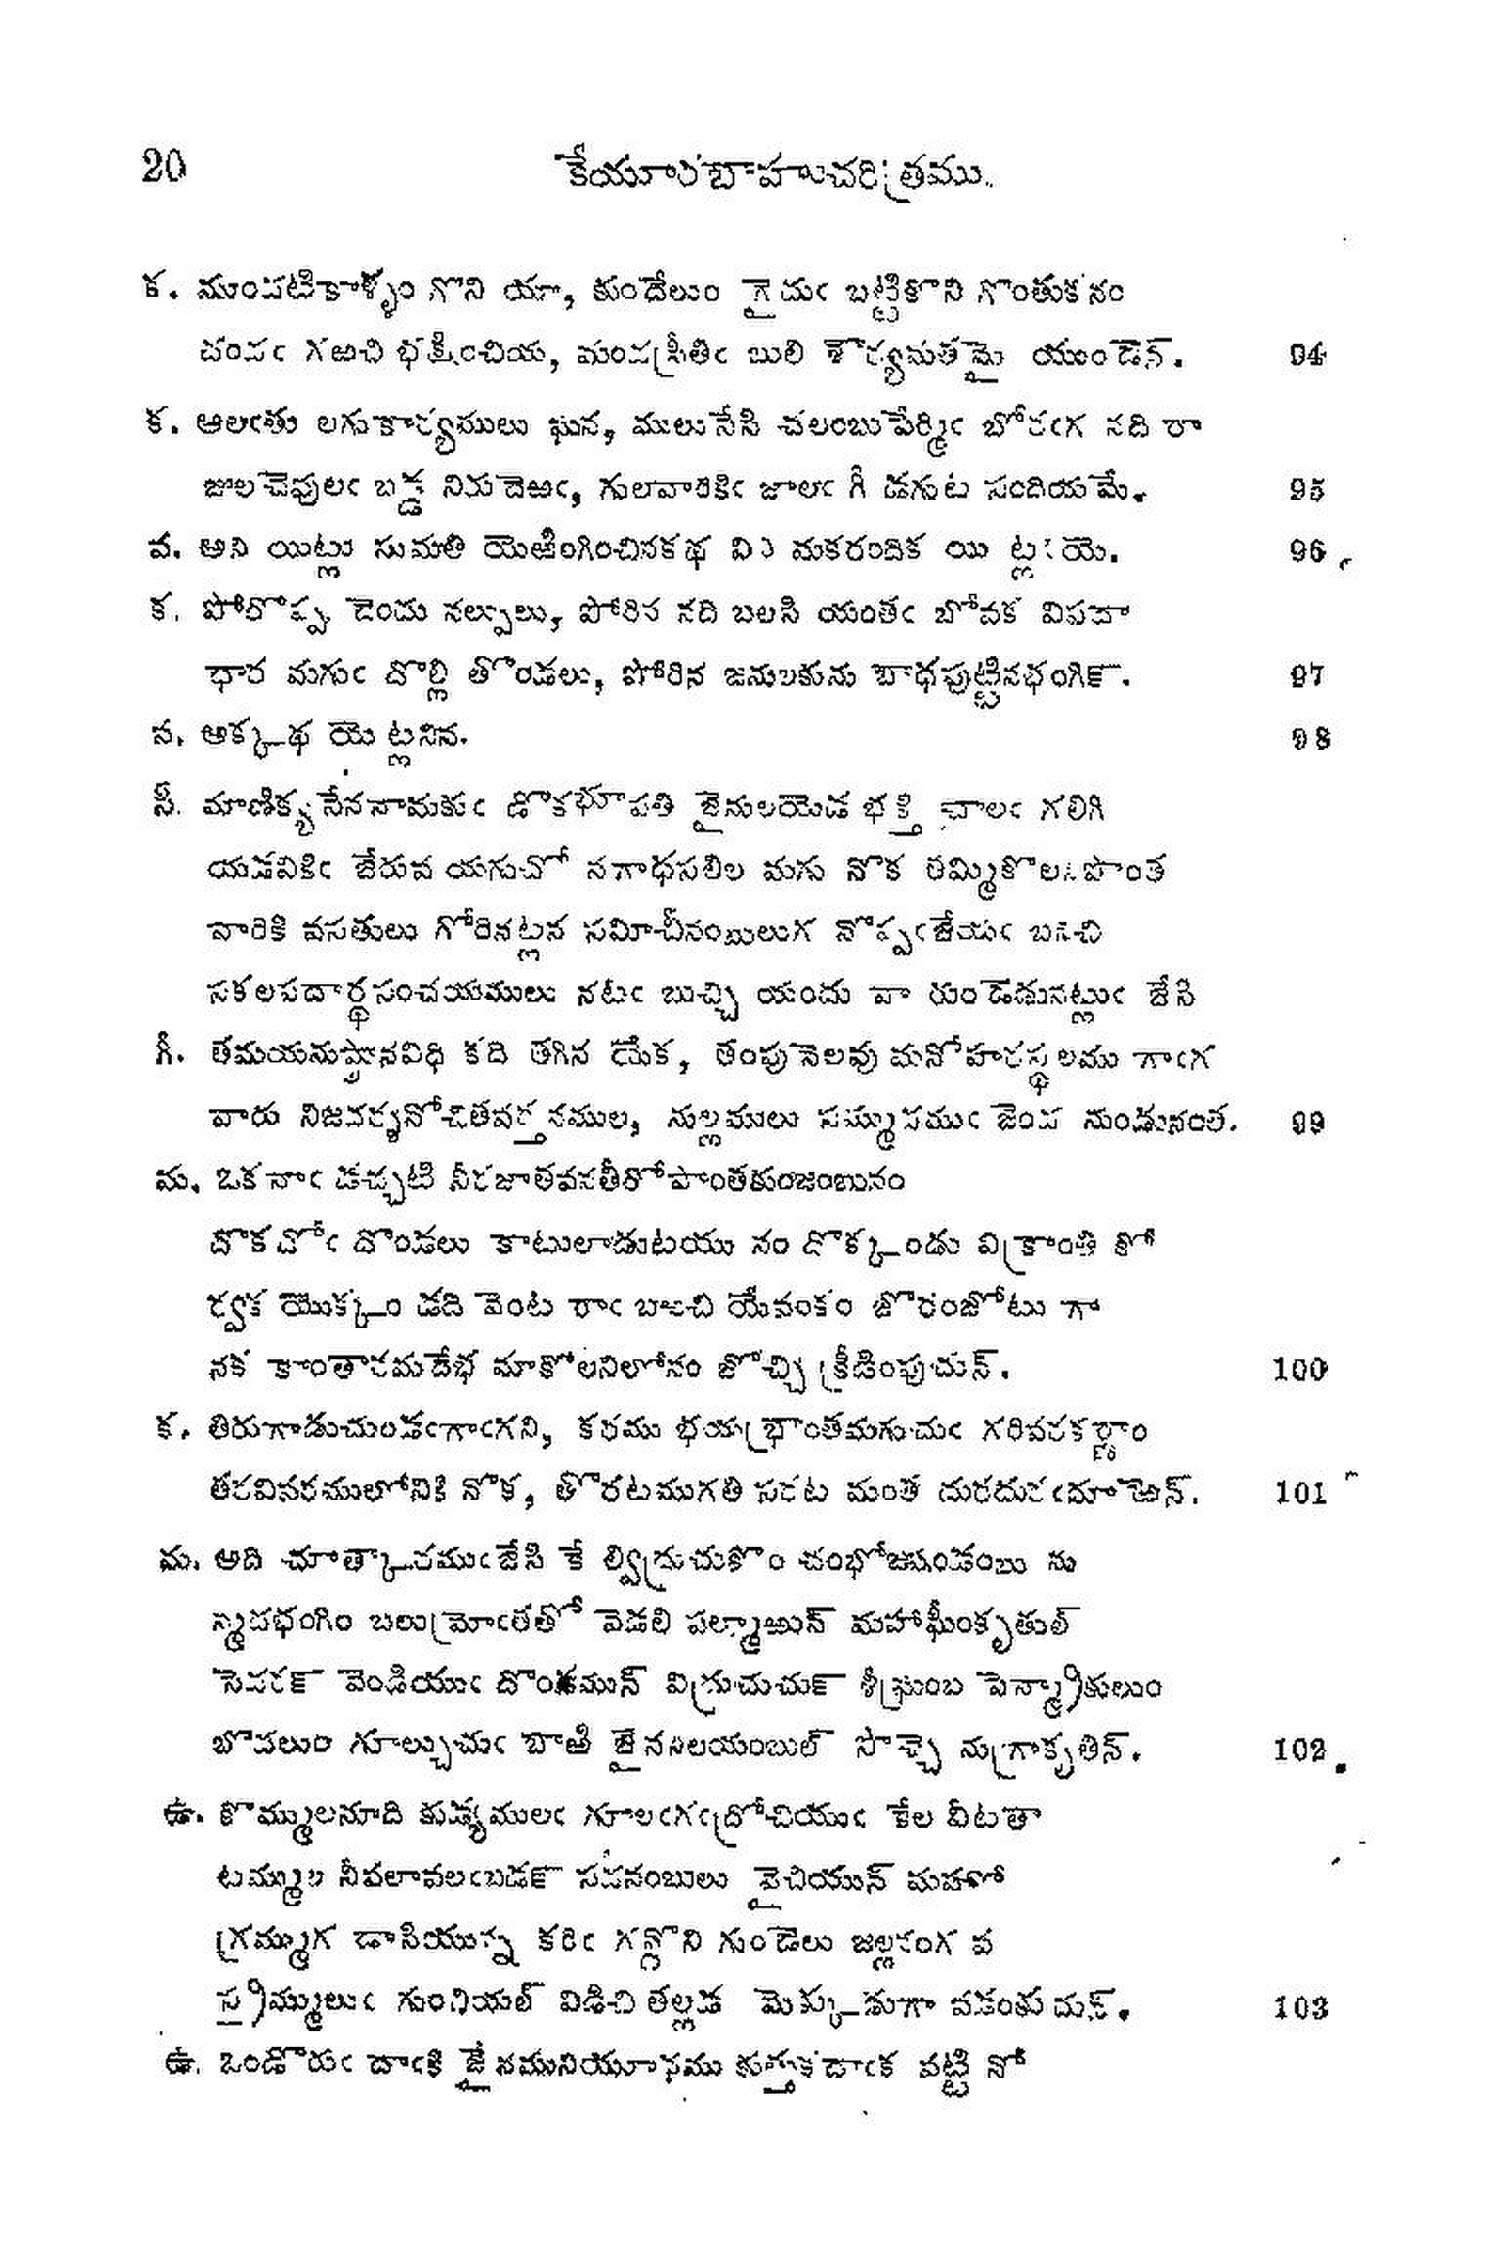క. ముందటికాళ్ళం గొని యా, కుందేలుం గైదుఁ బట్టికొని గొంతుకనం
 దందఁ గఱచి భక్షించియ, మందప్రీతిఁ బులి శౌర్యమతమై యుండెన్.
క. అలఁతు లగు కార్యములు ఘన, ములు సేసి చలంబుపేర్మిఁ బోవఁగ నది రా
 జుల చెవులఁ బడ్డ నిరుదెఱఁ, గులవారికిఁ జాలఁ గీ డగుట సందియమే.
వ. అని యిట్లు సుమతి యెఱింగించిన కథ విని మకరందిక యిట్లనియె.
క. పోరొప్పు డెంచు నల్పులు, పోరిన నది బలసి యంతఁ బోవక విపదా
 ధార మగుఁ దొల్లి తొండలు, పోరిన జనులకును బాధపుట్టినభంగిన్.
వ. అక్కథ యెట్లనిన.
సీ. మాణిక్యసేననామకుఁ డొకభూపతి జైనులయెడ భక్తి చాలఁ గలిగి
 యవనికిఁ జేరువ యగుచో నగాధసలిల మగు నొకతమ్మికొలనిపొంత
 వారికి వసతులు గోరినట్లన సమాచీనంబులుగ నొప్పఁజేయఁ బనిచి
 సకలపదార్థసంచయములు నటఁ బుచ్చి యందు వా రుండెడునట్లుఁ జేసి
గీ. తమయనుష్ఠానవిధి కది తగిన యేక, తంపునెలవు మనోహరస్థలము గాఁగ
 వారు నిజచర్శనోచితవర్తనముల, నుల్లములు సమ్ముదముఁ జెంద నుండునంత.
మ. ఒకనాఁ డచ్చటి నీరజాతవనతీరోపాంతకుంజంబునం
 దొకచోఁ దొండలు కాటులాడుటయు నం దొక్కండు విక్రాంతి కో
 ర్వక యొక్కం డది వెంట రాఁ బంచి యేవంకం జొరంజోటు గా
 నక కాంతారమదేభ మాకొలనిలోనం జొచ్చి క్రీడింపుచున్.
క. తిరుగాడుచుండగాఁ గని, కరము భయభ్రాంత మగుచుఁ గరివరకర్ణాం
 తకవిసరములోనికి నొక, తొరటముగతి సరట మంత దురదురఁ దూఱెన్.
మ. అది చూత్కారముఁ జేసి కే ల్విద్రుచుకొం చంభోజషండంబు ను
 న్మదభంగిం బలుమ్రోఁతతో వెడలి పల్మాఱున్ మహాఘీంకృతుల్
 సెదరన్ వెండియుఁ దొండమున్ విద్రుచుచున్ శీఘ్రంబ పెన్మ్రాకులుం
 బొదలం గూల్చుచుఁ బాఱి జైననిలయంబుల్ సొచ్చె నుగ్రాకృతిన్.
ఉ. కొమ్ముల నూది కుడ్యములఁ గూలఁగఁద్రోచియుఁ కేల వీటతా
 టమ్ముల నీవలావలఁ బడన్ సదనంబులు వైచియున్ మహో
 గ్రమ్ముగ డాసియున్న కరిఁ గన్గొని గుండెలు జల్లనంగ వ
 స్త్రమ్ములుఁ గుంచియల్ విడిచి తల్లడ మెక్కుడుగా వడంకుచున్.
ఉ. ఒండొరుఁ దాఁకి జైనమునియూథము కుత్తుకదాఁక పట్టి నో